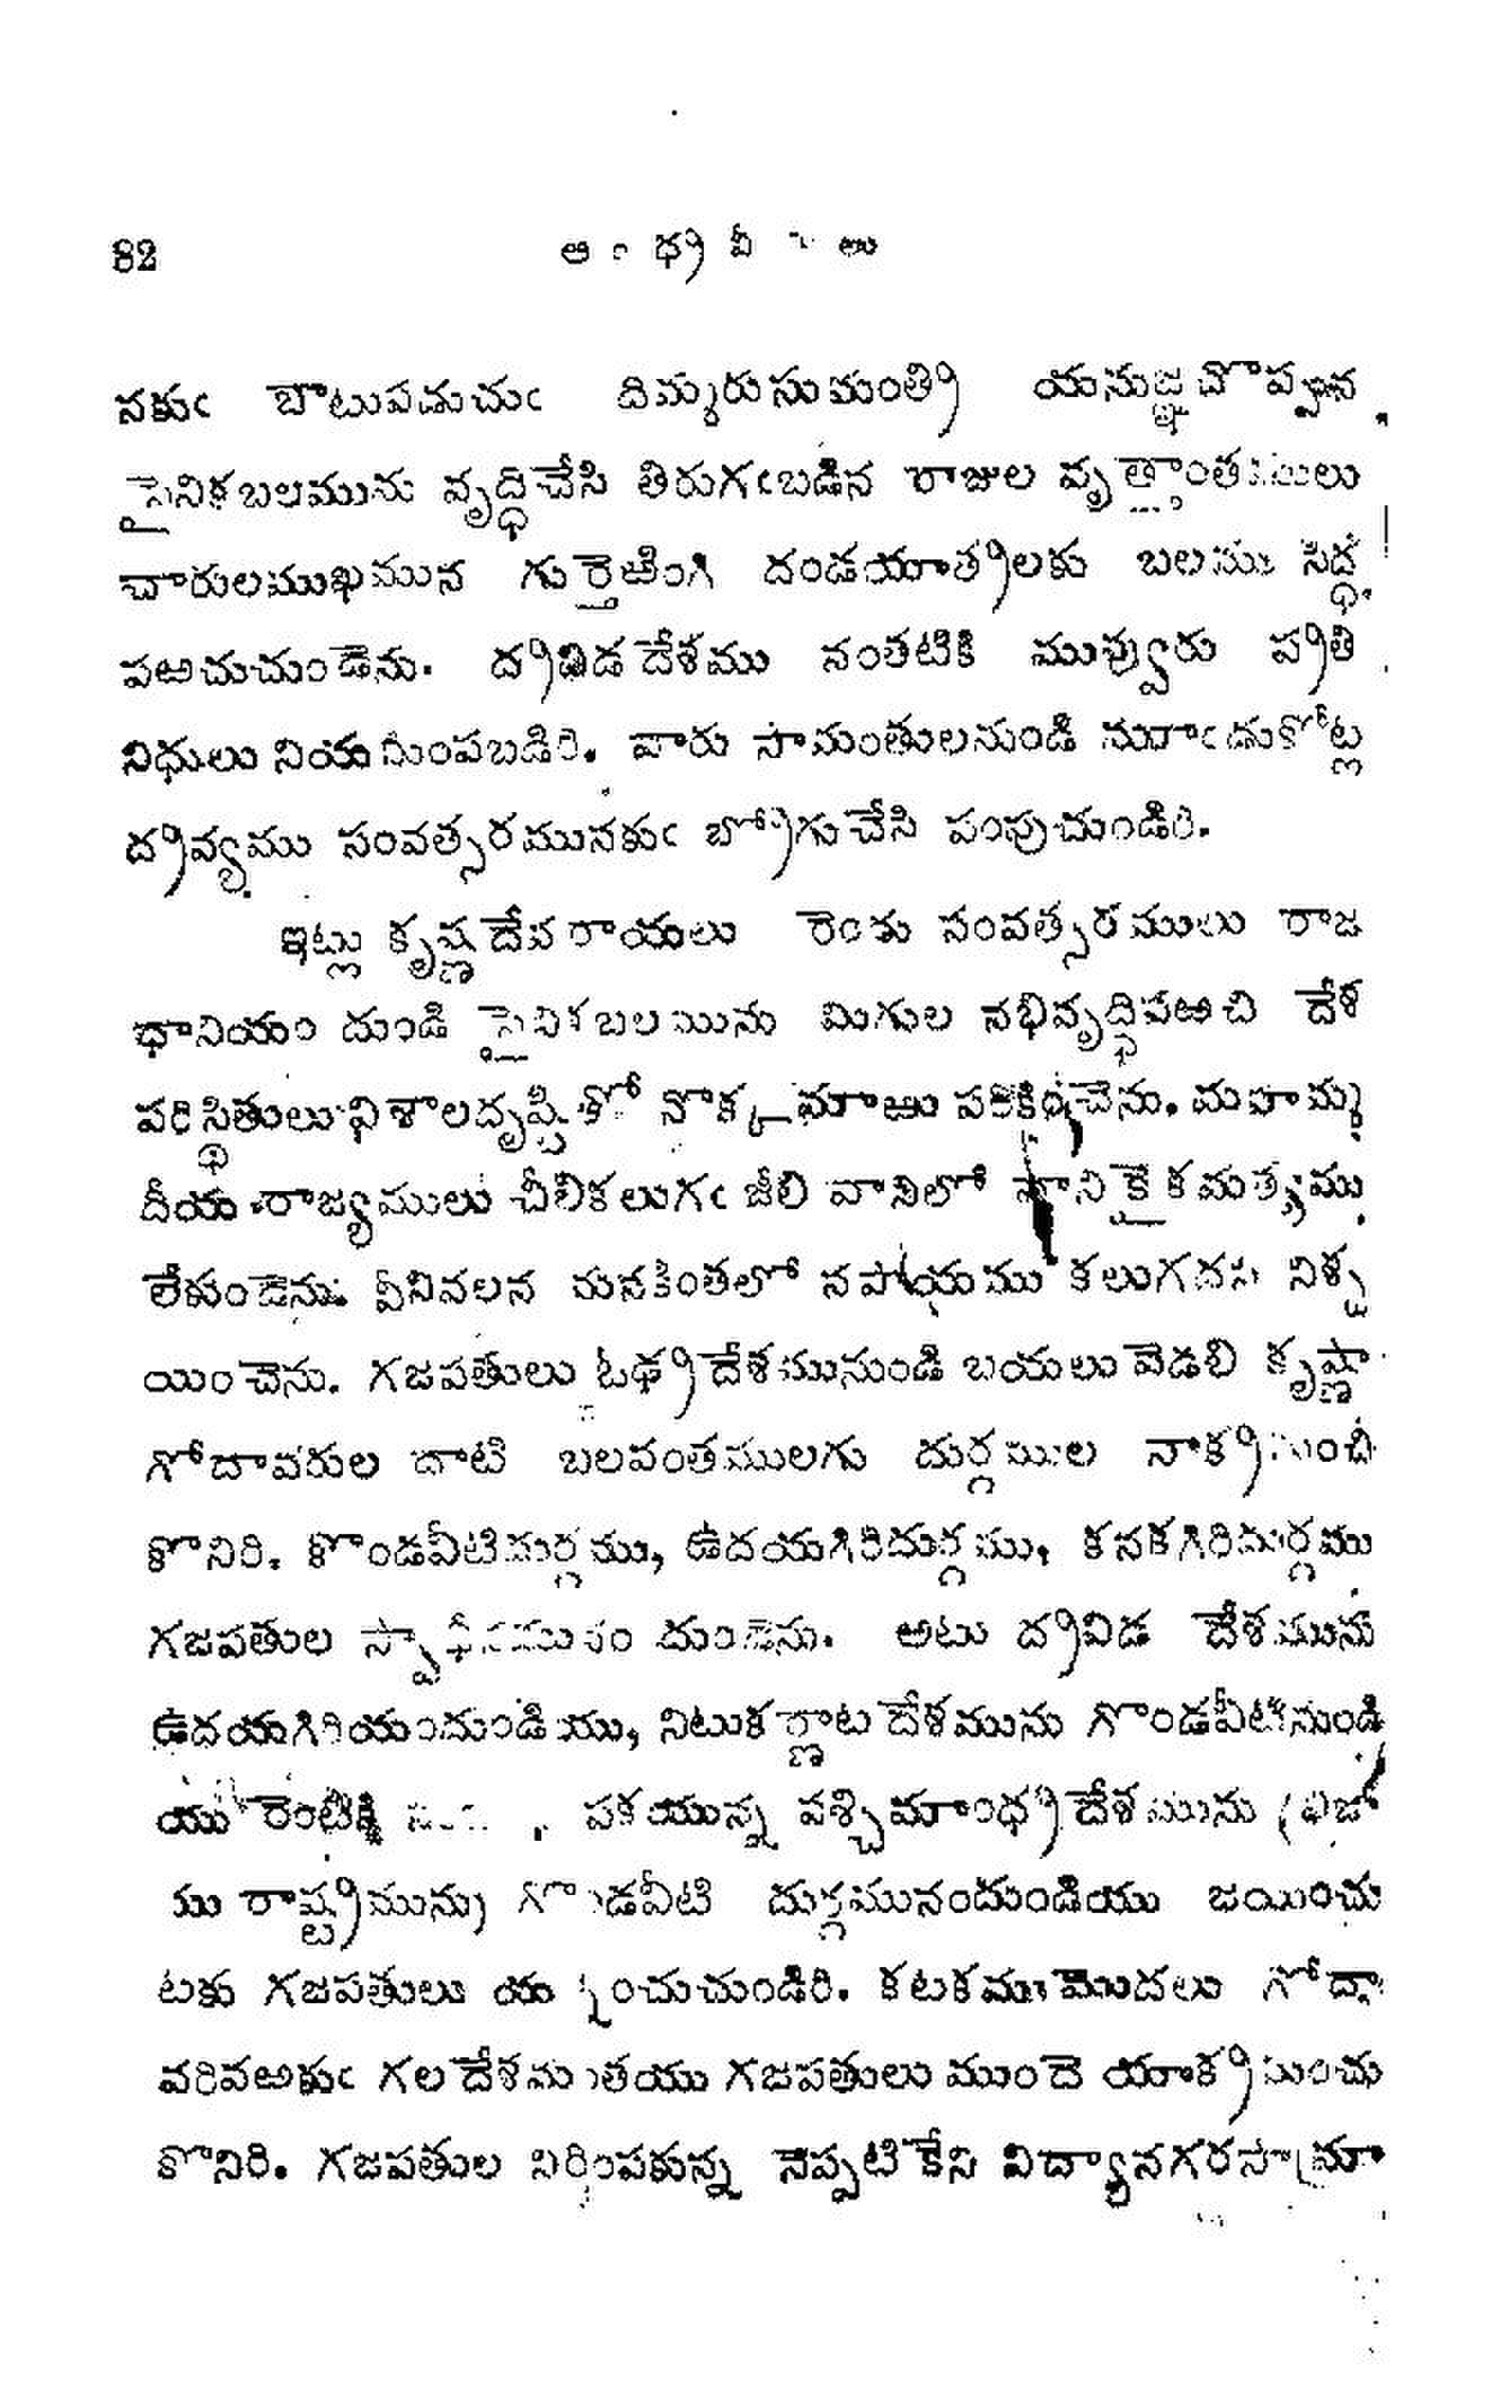నకు బాటుపడుచు దిమ్మరుసుమంత్రి యనుజ్ఞచొప్పున సైనికబలమును వృద్ధిచేసి తిరుగబడిన రాజుల వృత్తాంతములు చారులముఖమున గుర్తెఱింగి దండయాత్రలకు బలము సిద్ధ పఱచుచుండెను. ద్రవిడదేశము నంతటికి మువ్వురు ప్రతినిధులు నియమింపబడిరి. వారు సామంతులనుండి మూడుకోట్ల ద్రవ్యము సంవత్సరమునకు బ్రోగుచేసి పంపుచుండిరి.

ఇట్లు కృష్ణదేవరాయలు రెండు సంవత్సరములు రాజధానియం దుండి సైనికబలమును మిగుల నభివృద్ధిపఱచి దేశ పరిస్థితులు విశాలదృష్టితో నొక్కమాఱు పరికించెను. మహమ్మదీయ రాజ్యములు చీలికలుగ జీలి వానిలో వానికైకమత్యము లేకుండెను. వీనివలన మనకింతలో నపాయము కలుగదని నిశ్చయించెను. గజపతులు ఓడ్రదేశమునుండి బయలువెడలి కృష్ణా గోదావరుల దాటి బలవంతములగు దుర్గముల నాక్రమించికొనిరి. కొండవీటిదుర్గము, ఉదయగిరిదుర్గము, కనకగిరిదుర్గము గజపతుల స్వాధీనమునం దుండెను. అటు ద్రవిడ దేశమును ఉదయగిరియందుండియు, నిటుకర్ణాట దేశమును గొండవీటి నుండియు రెంటిక్షి నుమోడియు పకయున్న పశ్చిమాంధ్రదేశమును (నిజామురాష్ట్రమును) గొండవీటి దుర్గమునందుండియు జయించుటకు గజపతులు యత్నించుచుండిరి. కటకముమొదలు గోదావరి వఱకు గల దేశమంతయు గజపతులు ముందె యాక్రమించుకొనిరి. గజపతుల నిర్మింపకున్న నెప్పటికేని విద్యానగరసామ్రా